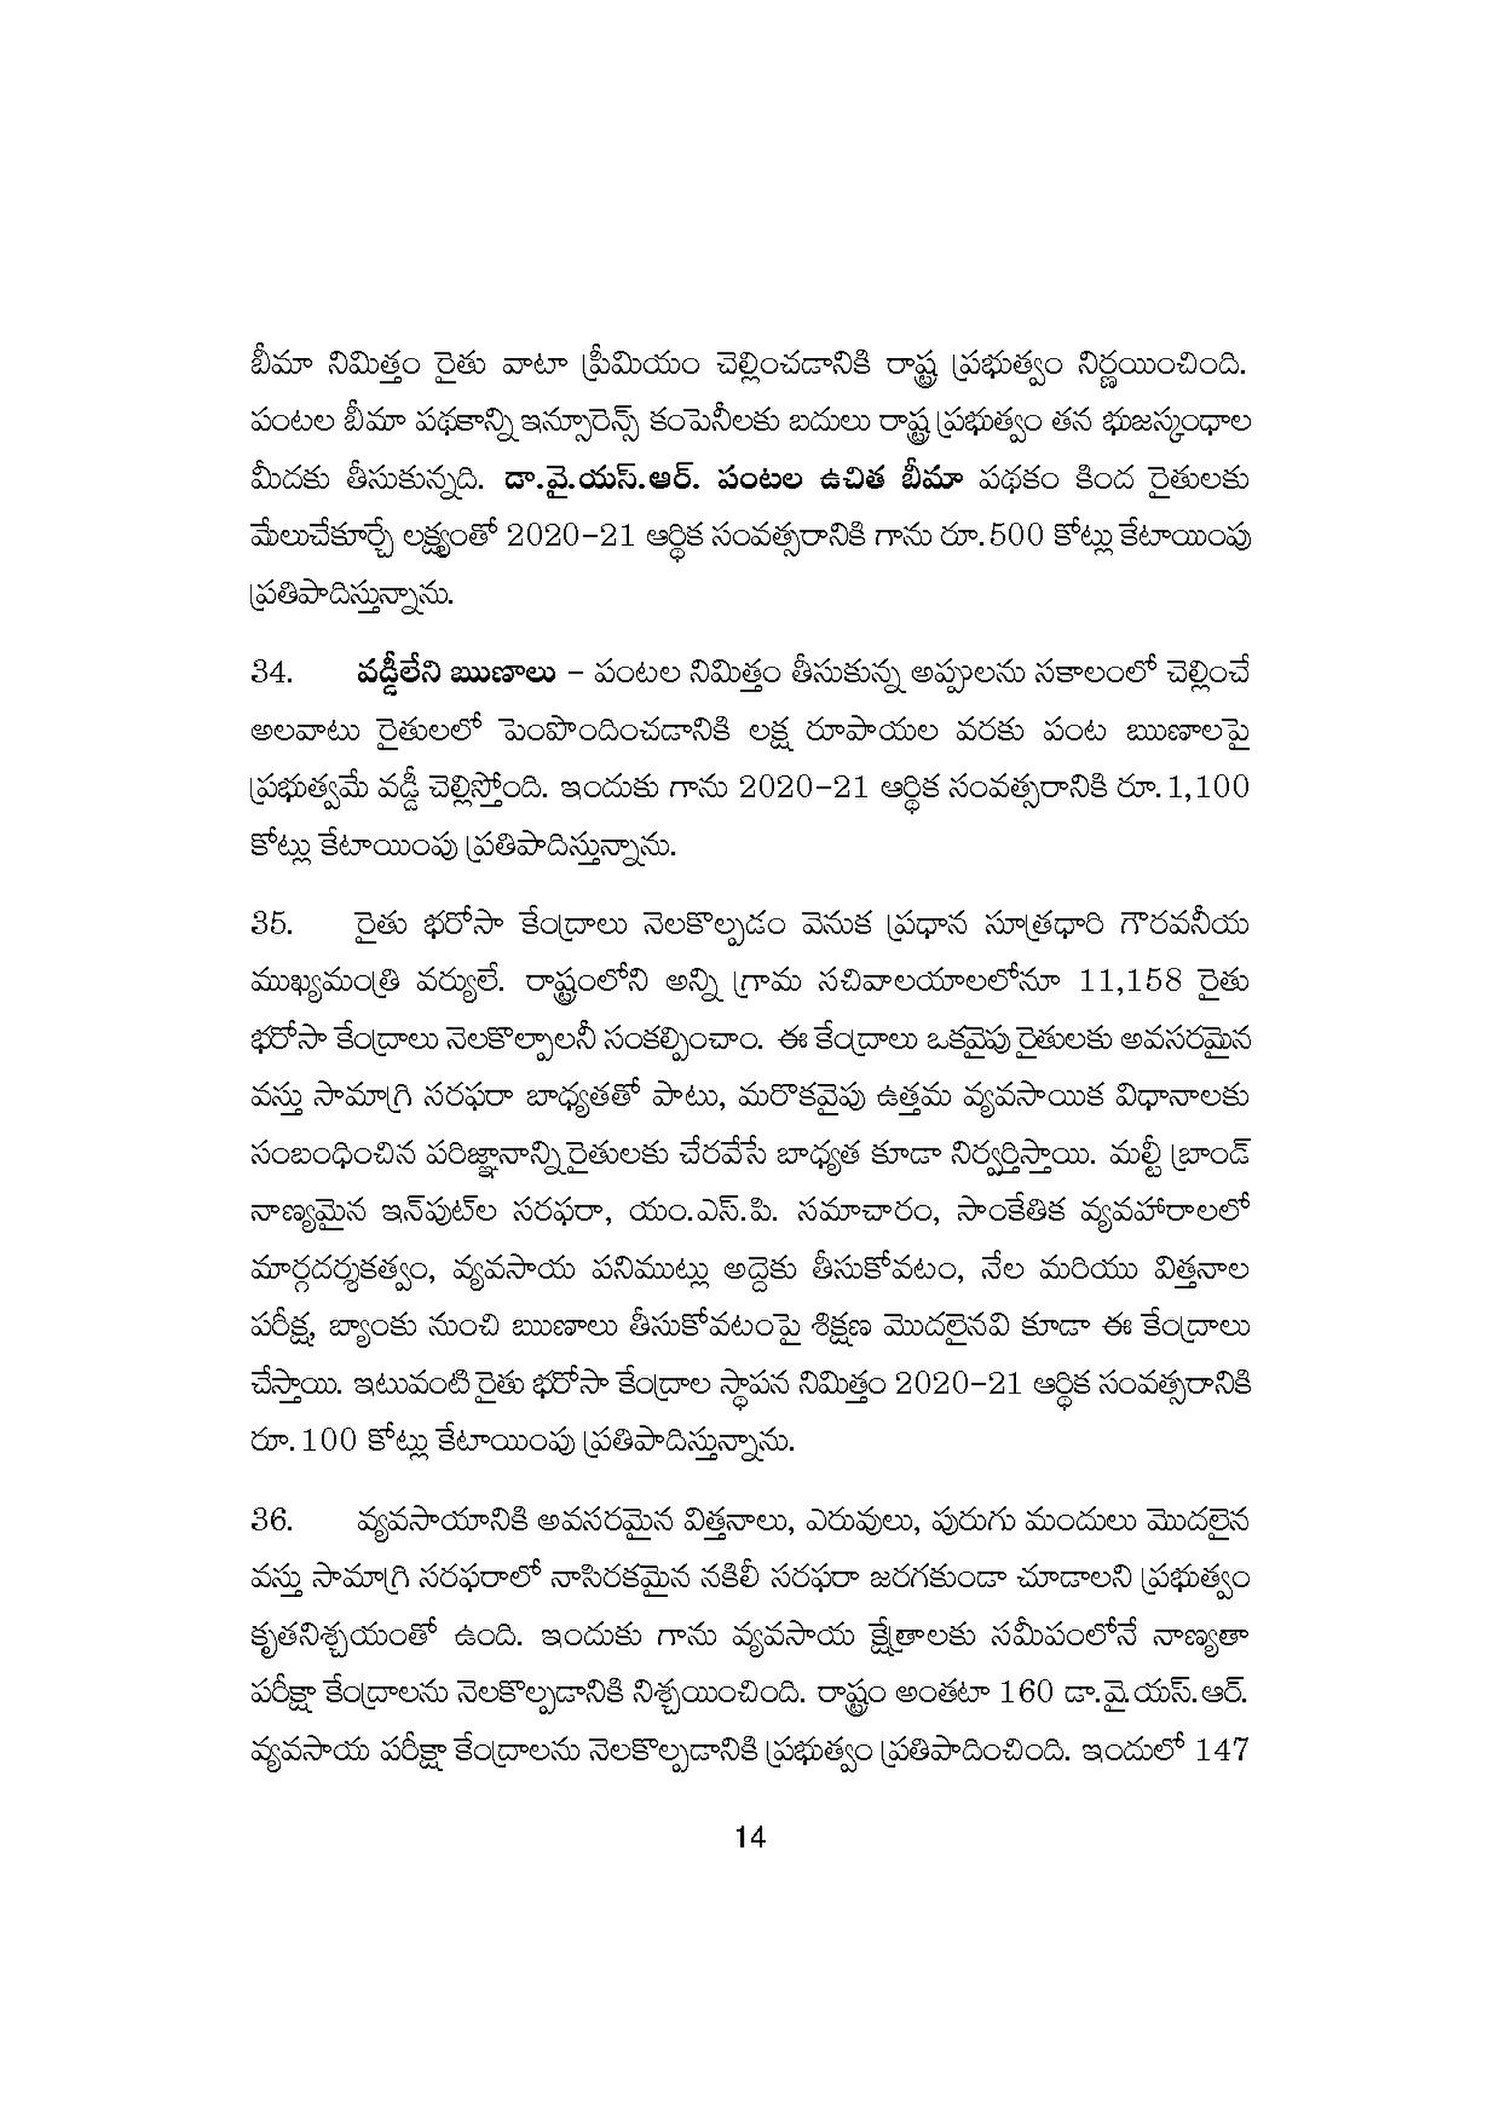బీమా నిమిత్తం రైతు వాటా ప్రీమియం చెల్లించడానికి రాష్ట్ర ప్రభుత్వం నిర్ణయించింది. పంటల బీమా పథకాన్ని ఇన్సూరెన్స్ కంపెనీలకు బదులు రాష్ట్ర ప్రభుత్వం తన భుజస్కంధాల మీదకు తీసుకున్నది. డా.వై.యస్.ఆర్. పంటల ఉచిత బీమా పథకం కింద రైతులకు మేలుచేకూర్చే లక్ష్యంతో 2020-21 ఆర్థిక సంవత్సరానికి గాను రూ.500 కోట్లు కేటాయింపు ప్రతిపాదిస్తున్నాను. 

34. వడ్డీలేని ఋణాలు - పంటల నిమిత్తం తీసుకున్న అప్పులను సకాలంలో చెల్లించే అలవాటు రైతులలో పెంపొందించడానికి లక్ష రూపాయల వరకు పంట ఋణాలపై ప్రభుత్వమే వడ్డీ చెల్లిస్తోంది. ఇందుకు గాను 2020-21 ఆర్థిక సంవత్సరానికి రూ.1,100 కోట్లు కేటాయింపు ప్రతిపాదిస్తున్నాను. 

35. రైతు భరోసా కేంద్రాలు నెలకొల్పడం వెనుక ప్రధాన సూత్రధారి గౌరవనీయ ముఖ్యమంత్రి వర్యులే. రాష్ట్రంలోని అన్ని గ్రామ సచివాలయాలలోనూ 11,158 రైతు భరోసా కేంద్రాలు నెలకొల్పాలనీ సంకల్పించాం. ఈ కేంద్రాలు ఒకవైపు రైతులకు అవసరమైన వస్తు సామాగ్రి సరఫరా బాధ్యతతో పాటు, మరొకవైపు ఉత్తమ వ్యవసాయిక విధానాలకు సంబంధించిన పరిజ్ఞానాన్ని రైతులకు చేరవేసే బాధ్యత కూడా నిర్వర్తిస్తాయి. మల్టీ బ్రాండ్ నాణ్యమైన ఇన్‌పుట్‌ సరఫరా, యం.ఎస్.పి. సమాచారం, సాంకేతిక వ్యవహారాలలో మార్గదర్శకత్వం, వ్యవసాయ పనిముట్లు అద్దెకు తీసుకోవటం, నేల మరియు విత్తనాల పరీక్ష, బ్యాంకు నుంచి ఋణాలు తీసుకోవటంపై శిక్షణ మొదలైనవి కూడా ఈ కేంద్రాలు చేస్తాయి. ఇటువంటి రైతు భరోసా కేంద్రాల స్థాపన నిమిత్తం 2020-21 ఆర్థిక సంవత్సరానికి రూ. 100 కోట్లు కేటాయింపు ప్రతిపాదిస్తున్నాను. 

36. వ్యవసాయానికి అవసరమైన విత్తనాలు, ఎరువులు, పురుగు మందులు మొదలైన వస్తు సామాగ్రి సరఫరాలో నాసిరకమైన నకిలీ సరఫరా జరగకుండా చూడాలని ప్రభుత్వం కృతనిశ్చయంతో ఉంది. ఇందుకు గాను వ్యవసాయ క్షేత్రాలకు సమీపంలోనే నాణ్యతా పరీక్షా కేంద్రాలను నెలకొల్పడానికి నిశ్చయించింది. రాష్ట్రం అంతటా 160 డా.వై.యస్.ఆర్. వ్యవసాయ పరీక్షా కేంద్రాలను నెలకొల్పడానికి ప్రభుత్వం ప్రతిపాదించింది. ఇందులో 147